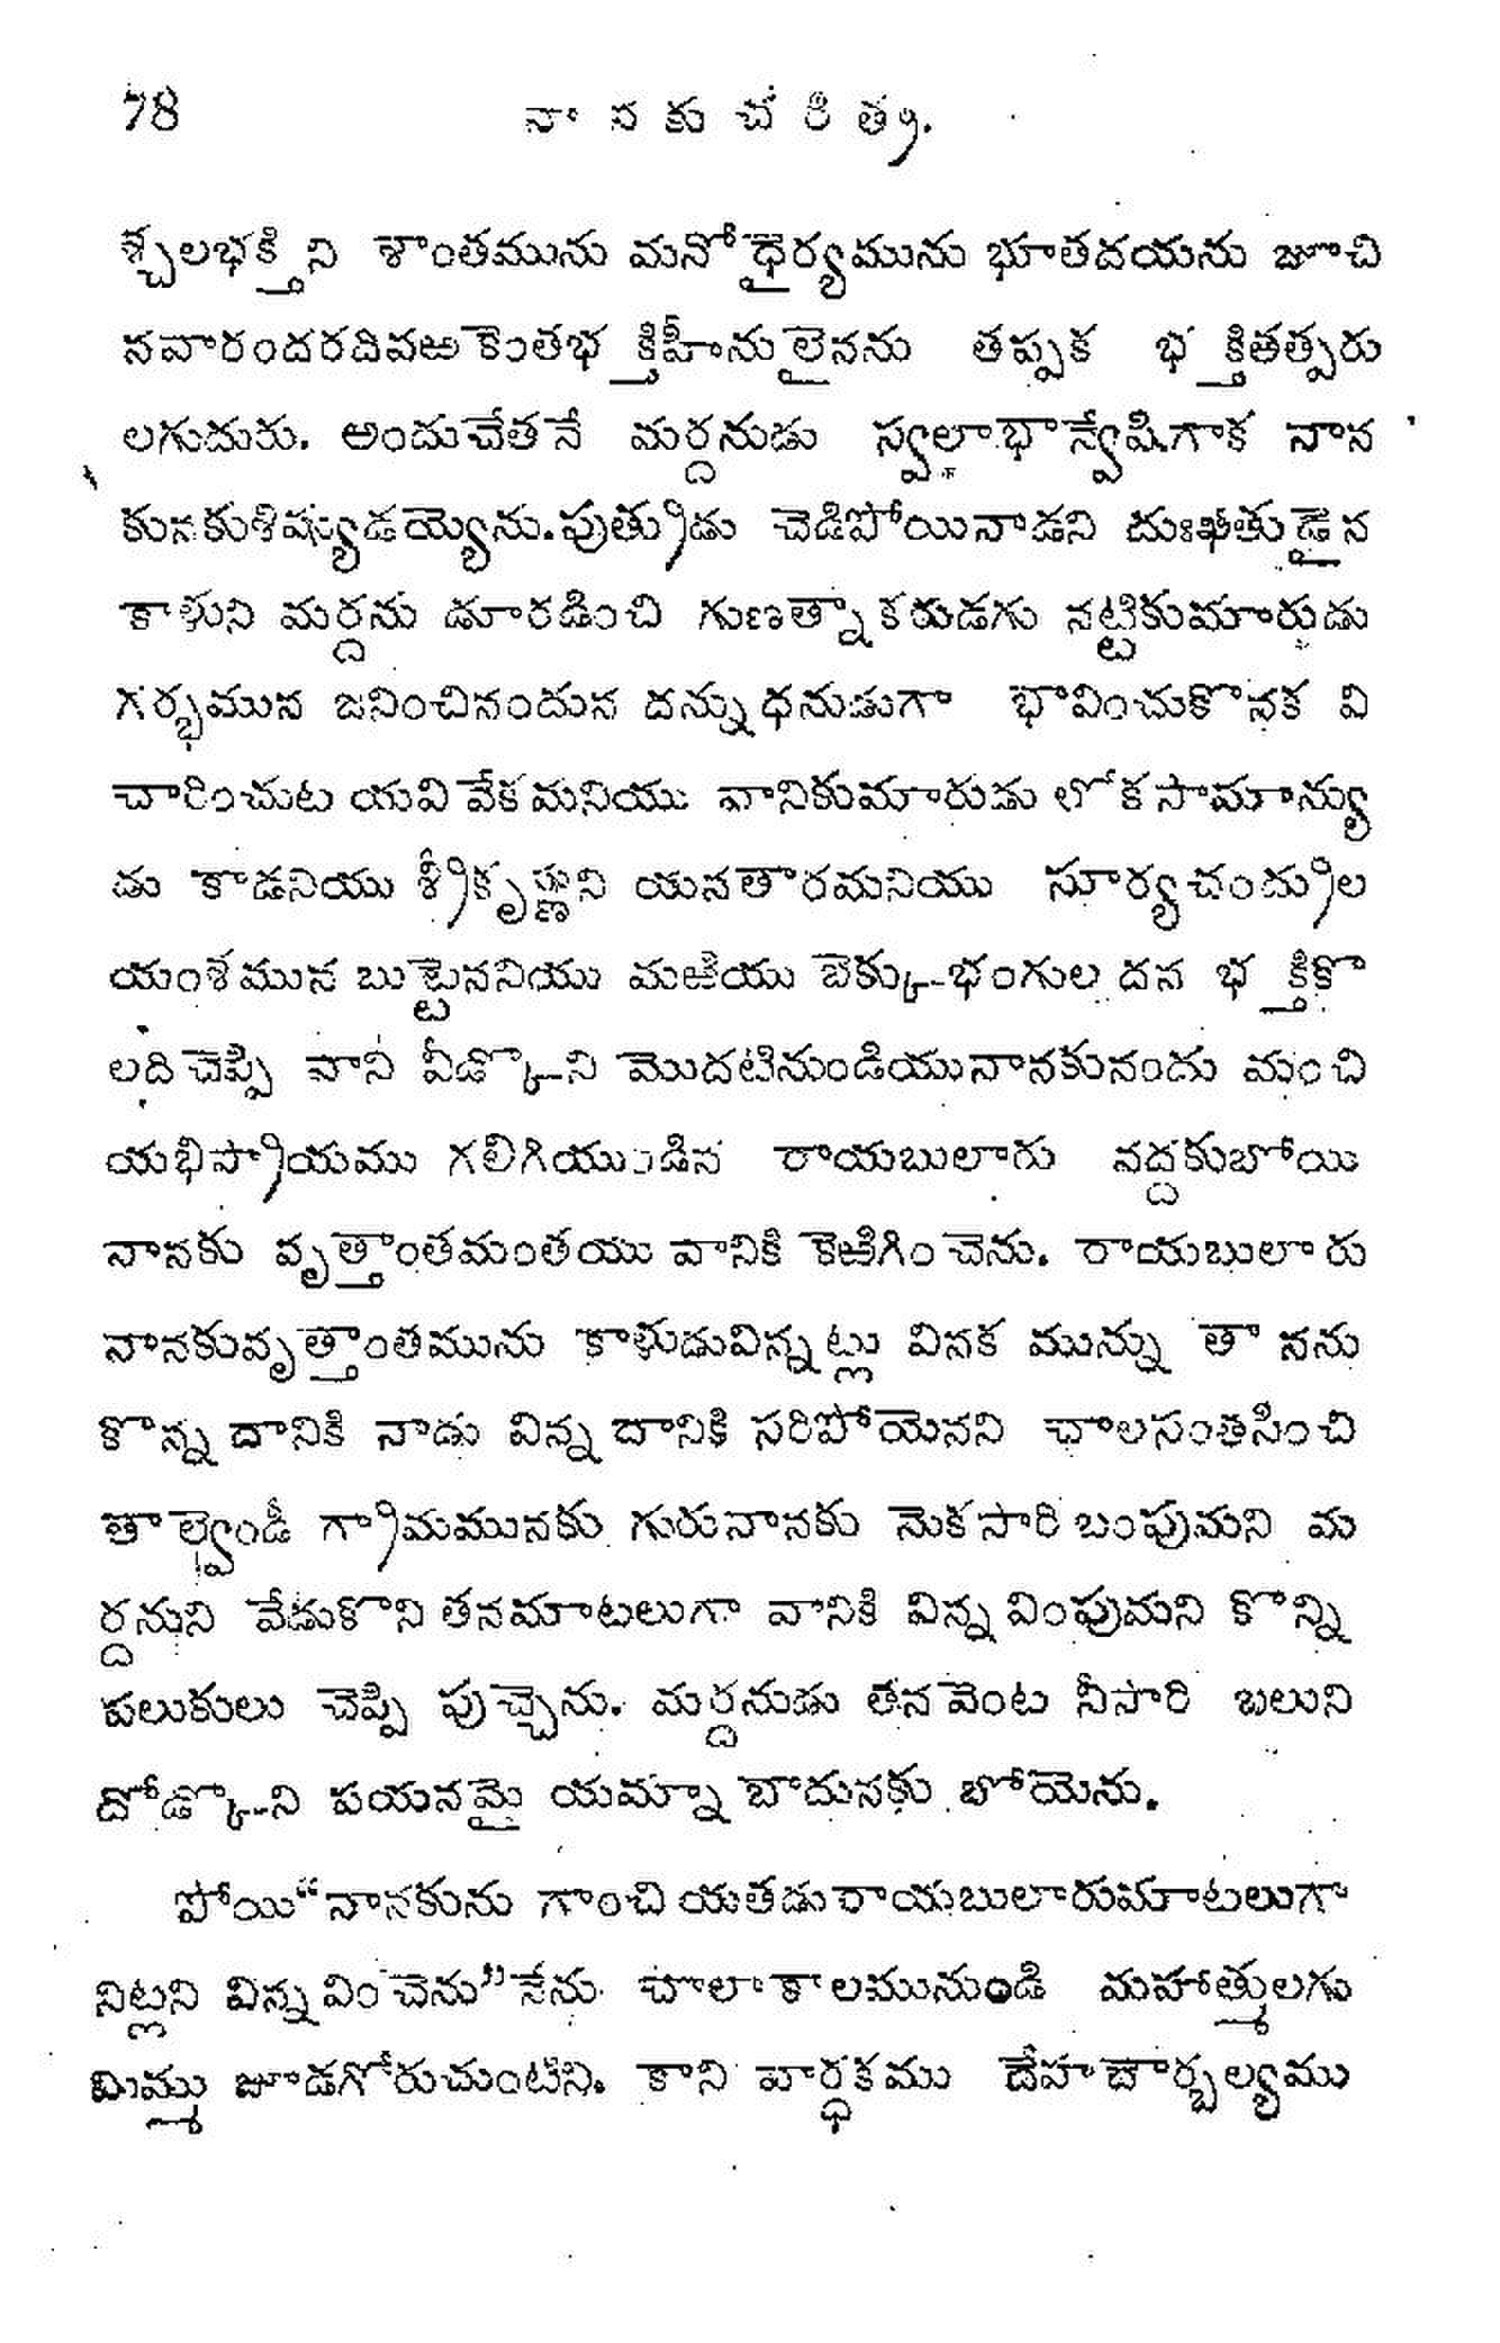శ్చలభక్తిని శాంతమును మనోధైర్యమును భూతదయను జూచినవారందరిదివఱ కెంతభక్తిహీనులైనను తప్పక భక్తితత్పరులగుదురు. అందుచేతనే మర్దనుడు స్వలాభాన్వేషిగాక నానకునకుశిష్యుడయ్యెను. పుత్రుడు చెడిపోయినాడని దు:ఖితుడైన కాళుని మర్దను డూరడించి గుణత్నాకరుడగు నట్టికుమారుడు గర్భమున జనించినందున దన్నుధనుడుగా భావించుకొనక విచారించుట యవివేకమనియు వానికుమారుడు లోకసామాన్యుడు కాడనియు శ్రీకృష్ణుని యవతారమనియు సూర్యచంద్రుల యంశమున బుట్టెననియు మఱియు బెక్కుభంగుల దన భక్తికొలది చెప్పి వాని వీడ్కొని మొదటినుండియు నానకునందు మంచియభిప్రాయము గలిగియుండిన రాయబులారు వద్దకుబోయి నానకు వృత్తాంతమంతయు వానికి కెఱిగించెను. రాయబులారు నానకువృత్తాంతమును కాళుడువిన్నట్లు వినక మున్ను తా ననుకొన్నదానికి నాడు విన్నదానికి సరిపోయెనని చాలసంతసించి తాల్వెండీ గ్రామమునకు గురునానకు నొకసారి బంపుమని మర్దనుని వేడుకొని తనమాటలుగా వానికి విన్నవింపుమని కొన్నిపలుకులు చెప్పి పుచ్చెను. మర్దనుడు తనవెంట నీసారి బలుని దోడ్కొని పయనమై యమ్నాబాదునకు బోయెను.

పోయి "నానకును గాంచి యతడు రాయబులారుమాటలుగా నిట్లని విన్నవించెను" నేను చాలకాలమునుండి మహాత్ములగు మిమ్ము జూడగోరుచుంటిని. కాని వార్ధకము దేహ దౌర్బల్యము